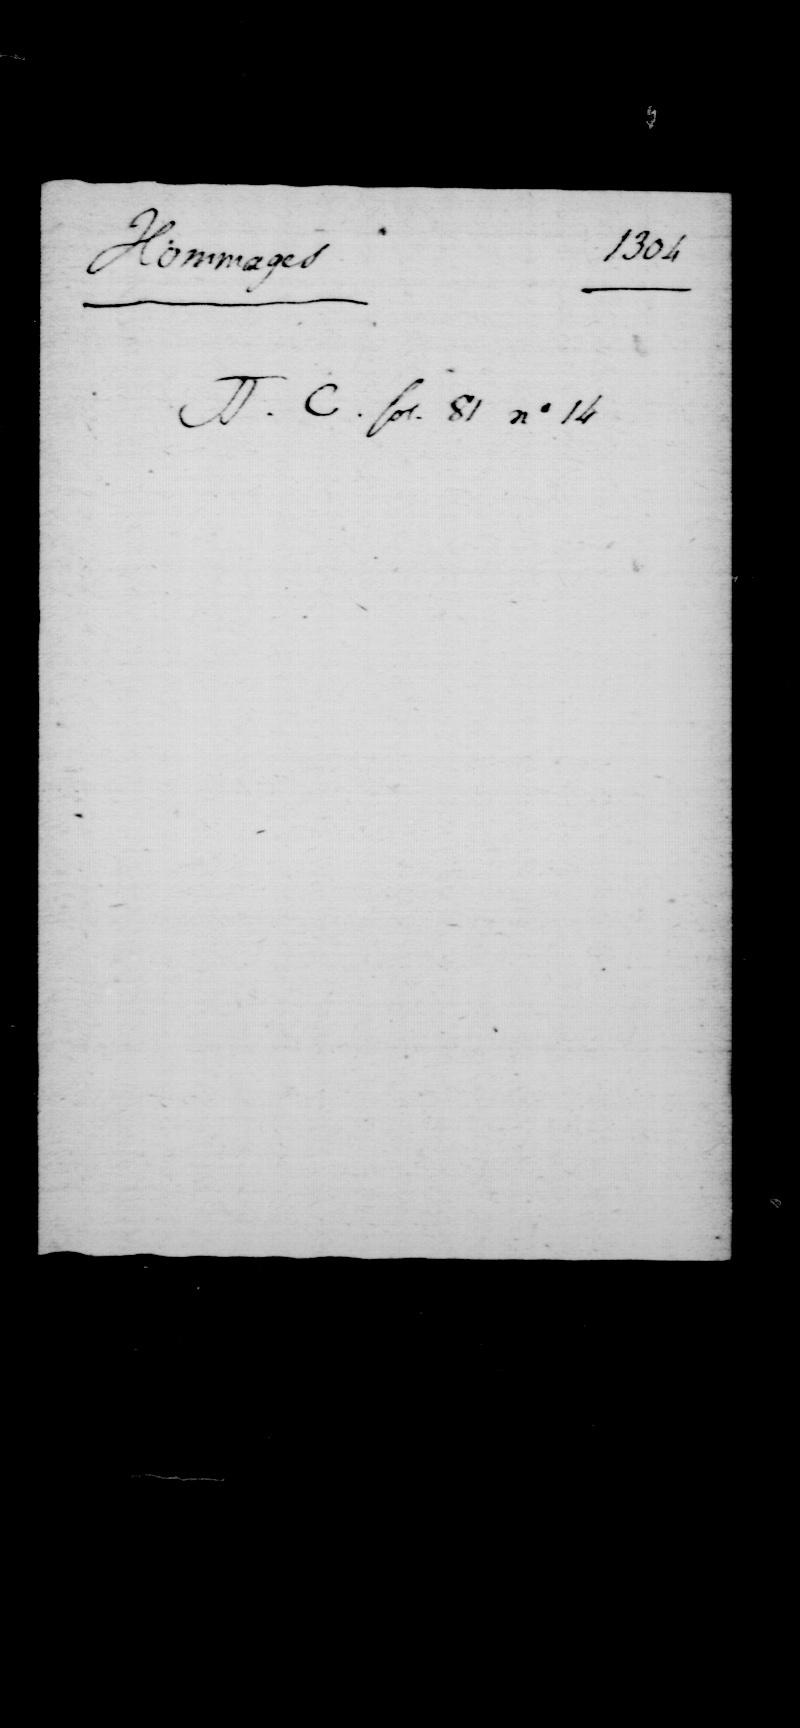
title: Hommages
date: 1304
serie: JJ
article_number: C
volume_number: fol. 81 n° 14
